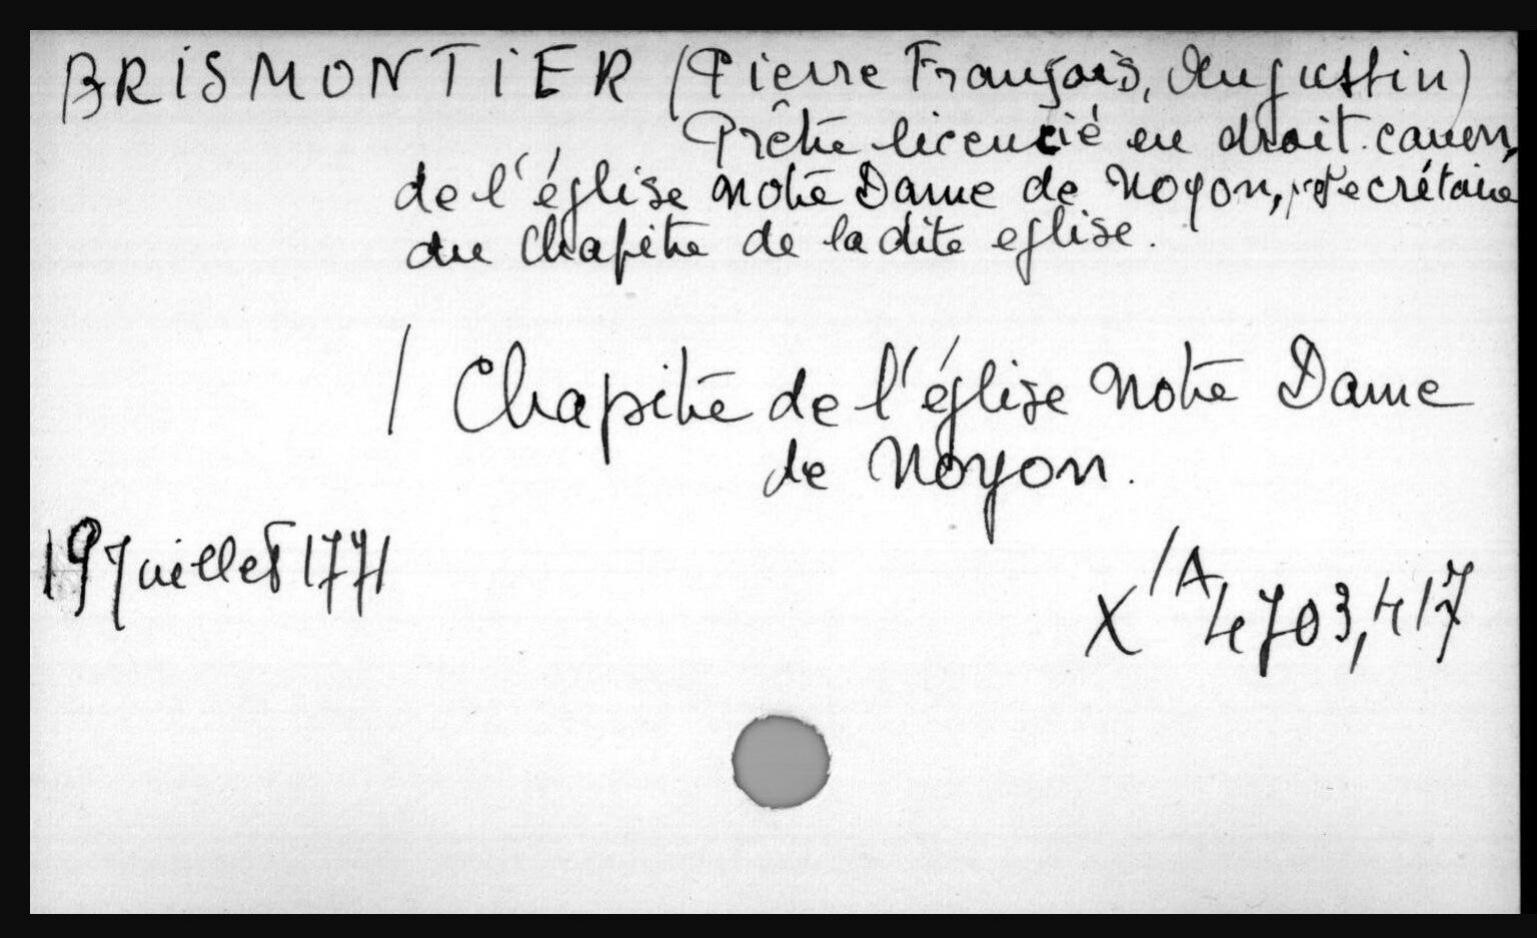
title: BRISMONTIER (Pierre François, Augustin) prêtre licencié en droit canon de l'église notre dame de Noyon, secrétaire du Chapitre de ladite église
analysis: Contre Chapitre de l'église notre Dame de Noyon
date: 19 juillet 1771
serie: X1A
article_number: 4703
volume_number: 417
